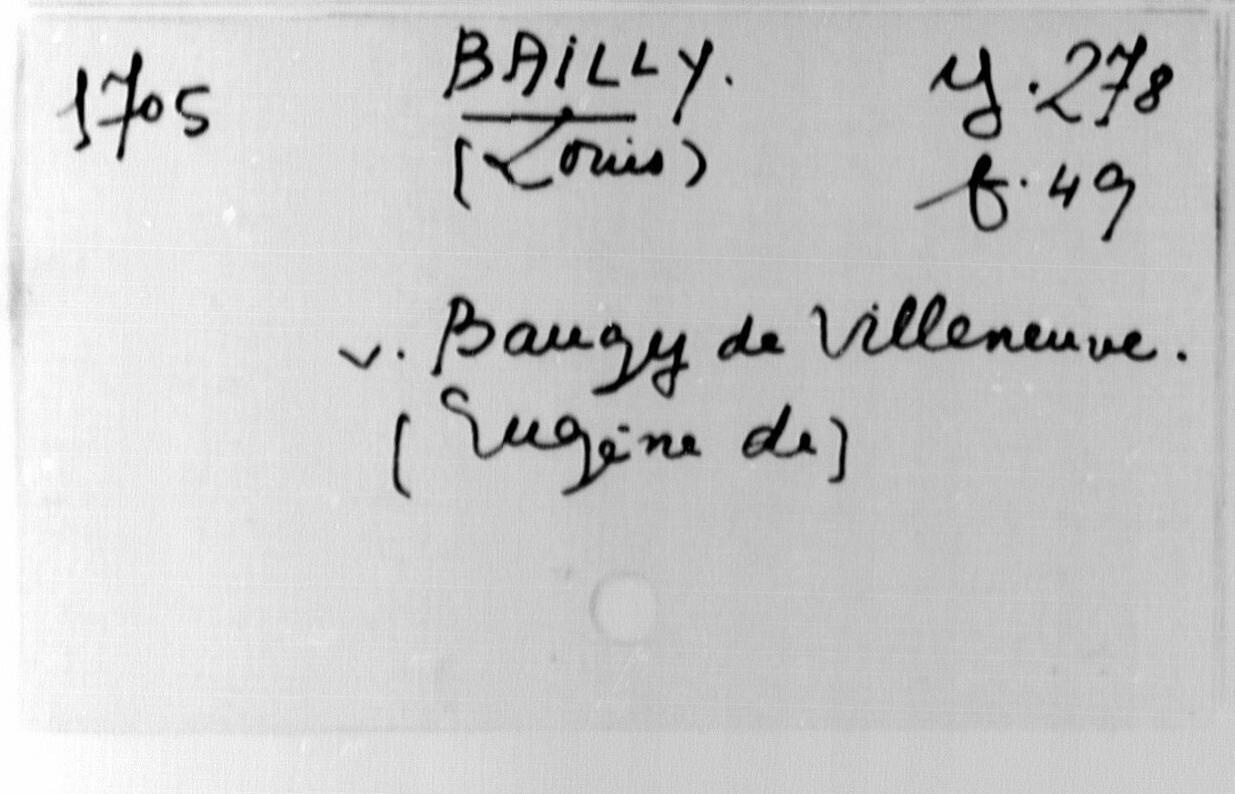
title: BAILLY (Louis)
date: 1705
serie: Y
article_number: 278
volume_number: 49
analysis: Voir Baugy de Villeneuve (Eugène de)
